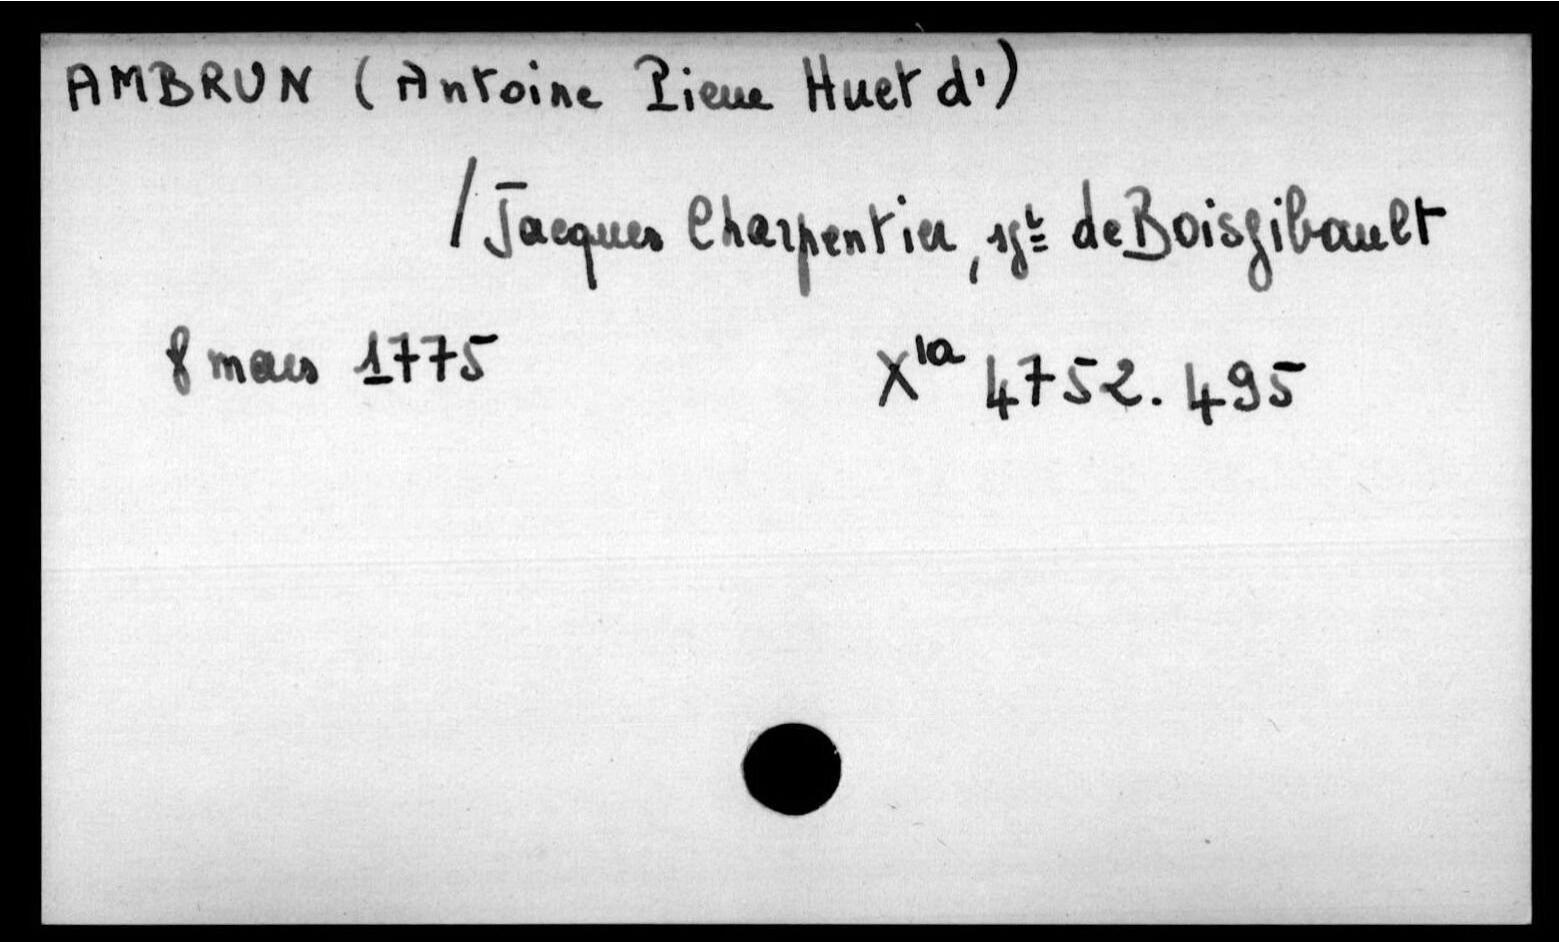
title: AMBRUN (Antoine Pierre Huet d')
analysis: Contre Jacques Charpentier, seigneur de Boisgibault
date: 8 mars 1775
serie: X1a
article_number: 4752
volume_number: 495
